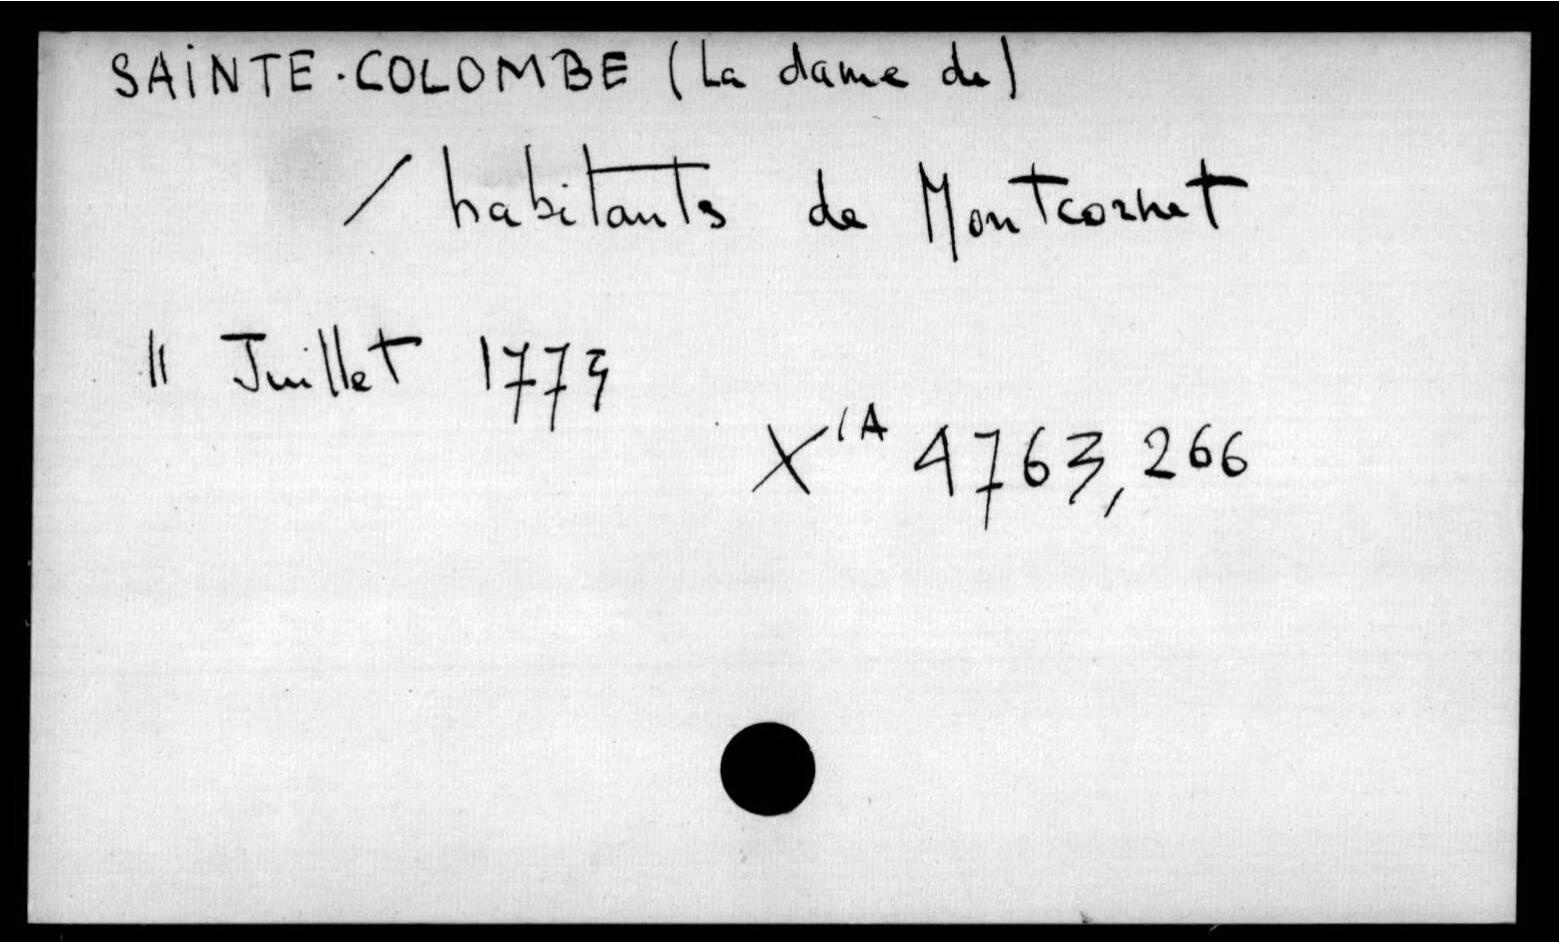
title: SAINTE-COLOMBE (la dame de)
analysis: Contre habitants de Montcornet
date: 11 juillet 1775
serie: X1A
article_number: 4763
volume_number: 266
